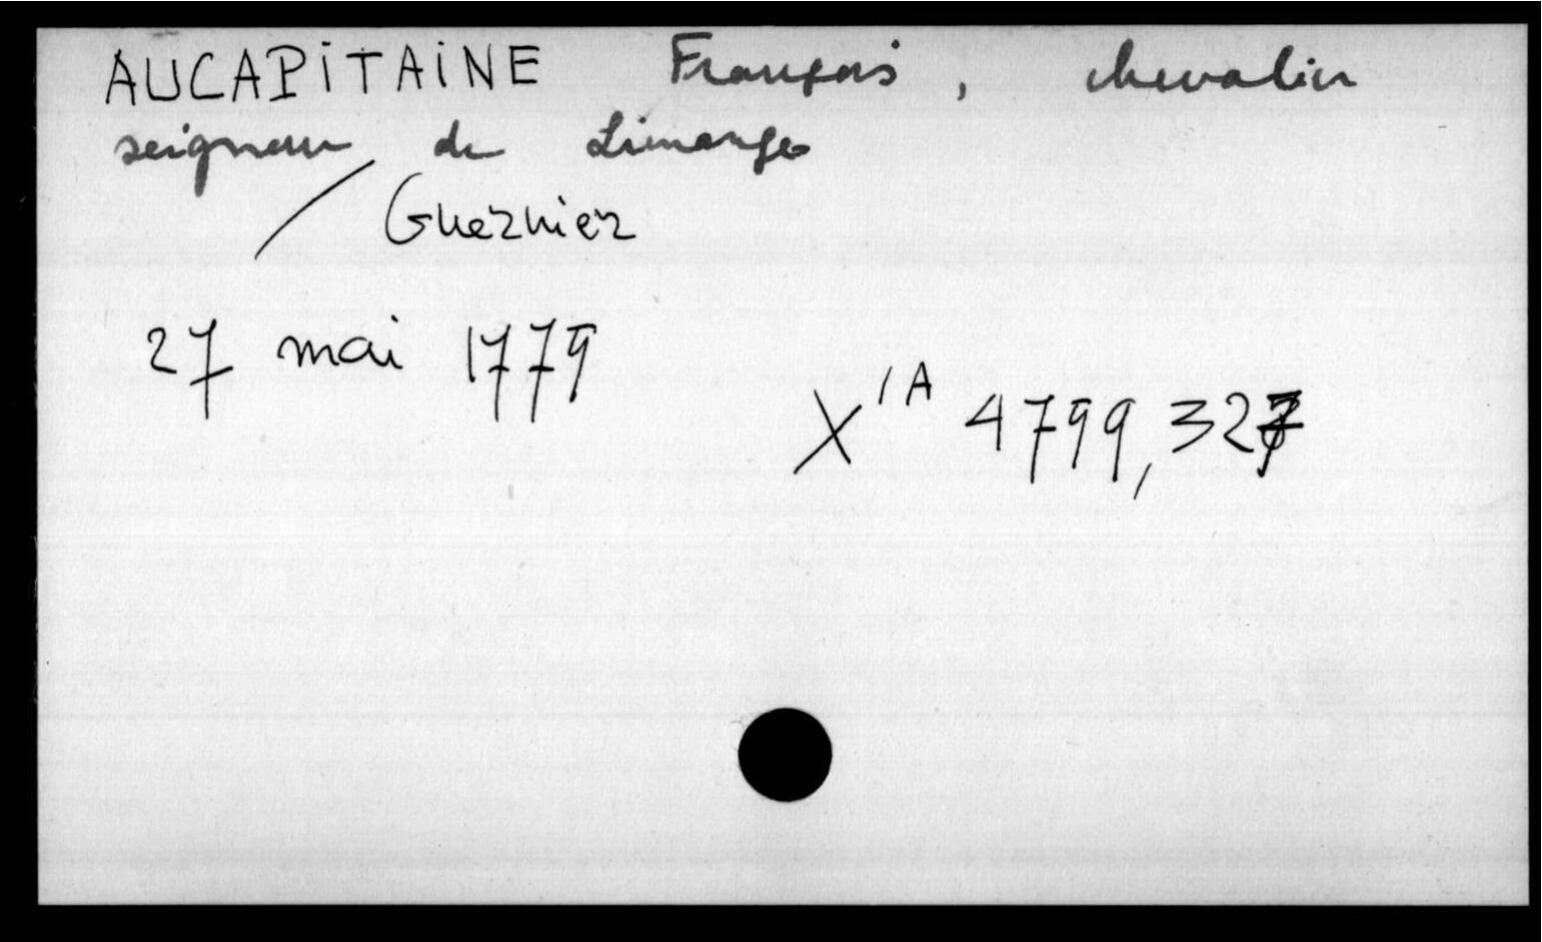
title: AUCAPITAINE François, chevalier seigneur de Limarges
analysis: Contre Glernier
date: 27 mai 1775
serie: X1A
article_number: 4759
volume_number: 327
